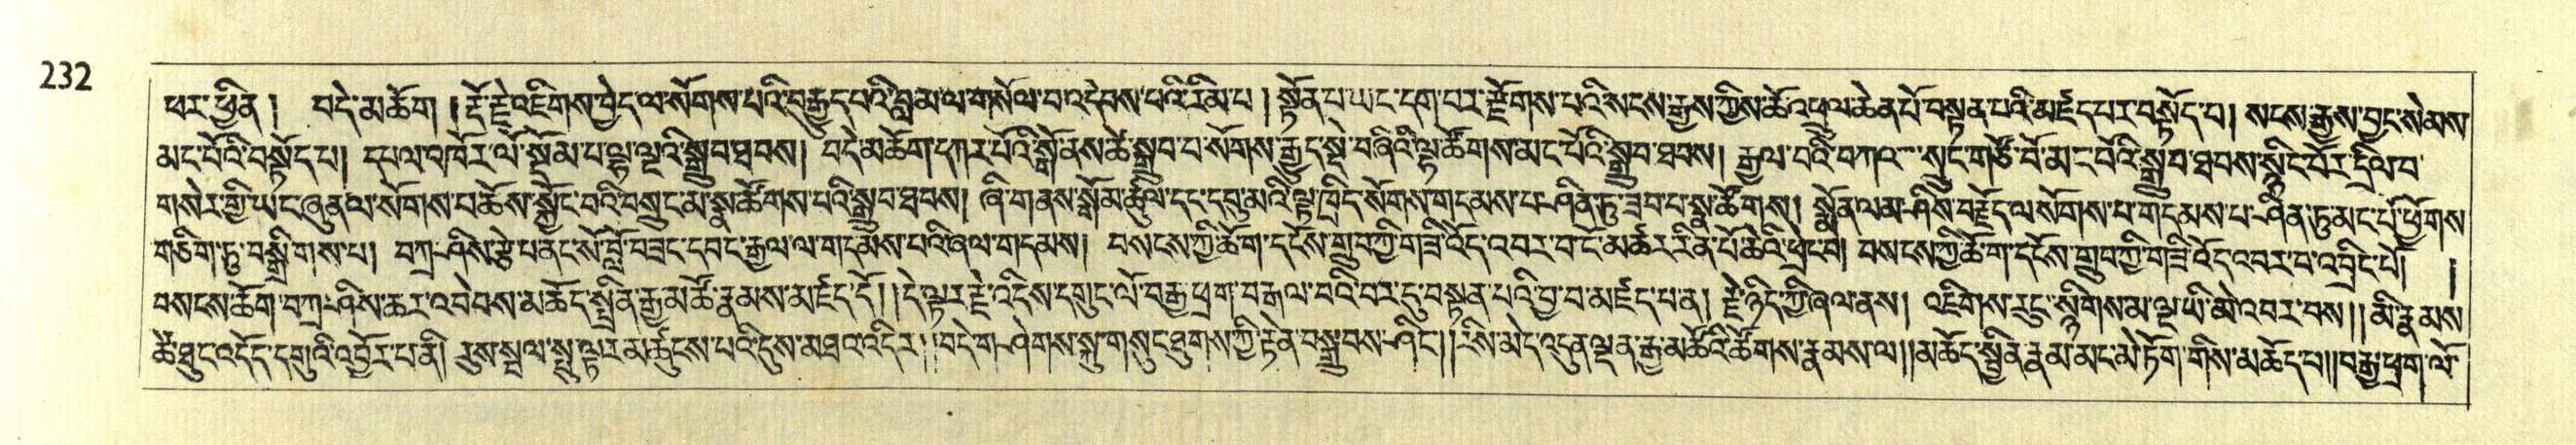ཕར་ཕྱིན། བདེ་མཆོག །རྡོ་རྗེ་འཇིགས་བྱེད་ལ་སོགས་པའི་བརྒྱུད་པའི་བླ་མ་ལ་གསོལ་བ་འདེབས་པའི་རིམ་པ། སྟོན་པ་ཡང་དག་པར་རྫོགས་པའི་སངས་རྒྱས་ཀྱིས་ཆོ་འཕྲུལ་ཆེན་པོ་བསྟན་པའི་མཛད་པར་བསྟོད་པ། སངས་རྒྱས་བྱང་སེམས་
མང་པོའི་བསྟོད་པ། དཔལ་འཁོར་ལོ་སྡོམ་པ་ལྷ་ལྔའི་སྒྲུབ་ཐབས། བདེ་མཆོག་དཀར་པོའི་སྒོ་ནས་ཚེས་སྒྲུབ་པ་སོགས་རྒྱུད་སྡེ་བཞིའི་ལྷ་ཚོགས་མང་པོའི་སྒྲུབ་ཐབས། རྒྱལ་བའི་བཀའ་སྲུང་གཙོ་བོ་མང་པོའི་སྒྲུབ་ཐབས་སྙིང་པོར་དྲིལ་བ་
གསེར་གྱི་ཡང་ཞུན་ལ་སོགས་པ་ཆོས་སྐྱོང་བའི་བསྲུང་ཨམ་སྣ་ཚོགས་པའི་སྒྲུབ་ཐབས། ཞི་གནས་སྒོམ་ཚུལ་དང་དབུ་མའི་ལྟ་ཁྲིད་སོགས་གདམས་པ་ཤིན་ཏུ་ཟབ་པ་སྣ་ཚོགས། སྨོན་ལམ་ཤིས་བརྗོད་ལ་སོགས་པ་གདམས་པ་ཤིན་ཏུ་མང་པོ་ཕྱོགས་
གཅིག་ཏུ་བསྒྲིགས་པ། བཀྲ་ཤིས་རྩེ་པ་ནང་སོ་བློ་བཟང་དབང་རྒྱལ་ལ་གདམས་པའི་ཞལ་གདམས། བསངས་ཀྱི་ཆོ་ག་དངོས་གྲུབ་ཀྱི་གཟི་འོད་འབར་བ་ངོ་མཚར་རིན་པོ་ཆེའི་ཕྲེང་བ། བསངས་ཀྱི་ཆོ་ག་དངོས་གྲུབ་ཀྱི་གཟི་འོད་འབར་བ་འབྲིང་པོ། །
བསངས་ཆོ་ག་བཀྲ་ཤིས་ཆར་འབེབས་མཆོད་སྤྲིན་རྒྱ་མཚོ་རྣམས་མཛད་དོ། །དེ་ལྟར་རྗེ་འདིས་དགུང་ལོ་བརྒྱ་ཕྲག་བརྒལ་བའི་བར་དུ་བསྟན་པའི་བྱ་བ་མཛད་པ་ན། རྗེ་ཉིད་ཀྱི་ཞལ་ནས། འཇིགས་རུང་སྙིགས་མ་ལྔ་ཡི་མེ་འབར་བས། །མི་རྣམས་
ཚེ་ཐུང་འདོད་དགུའི་འབྱོར་པ་ནི། རུས་སྦལ་སྤུ་ལྟར་མཚུངས་པའི་དུས་མཐའ་འདིར། །བདེ་གཤེགས་སྐུ་གསུང་ཐུགས་ཀྱི་རྟེན་བསྒྲུབས་ཤིང་། །རིས་མེད་འདུན་ལྡན་རྒྱ་མཚོའི་ཚོགས་རྣམས་ལ། །མཆོད་སྦྱིན་རྣམ་མང་མེ་ཏོག་གིས་མཆོད་པ། །བརྒྱ་ཕྲག་ལོ་